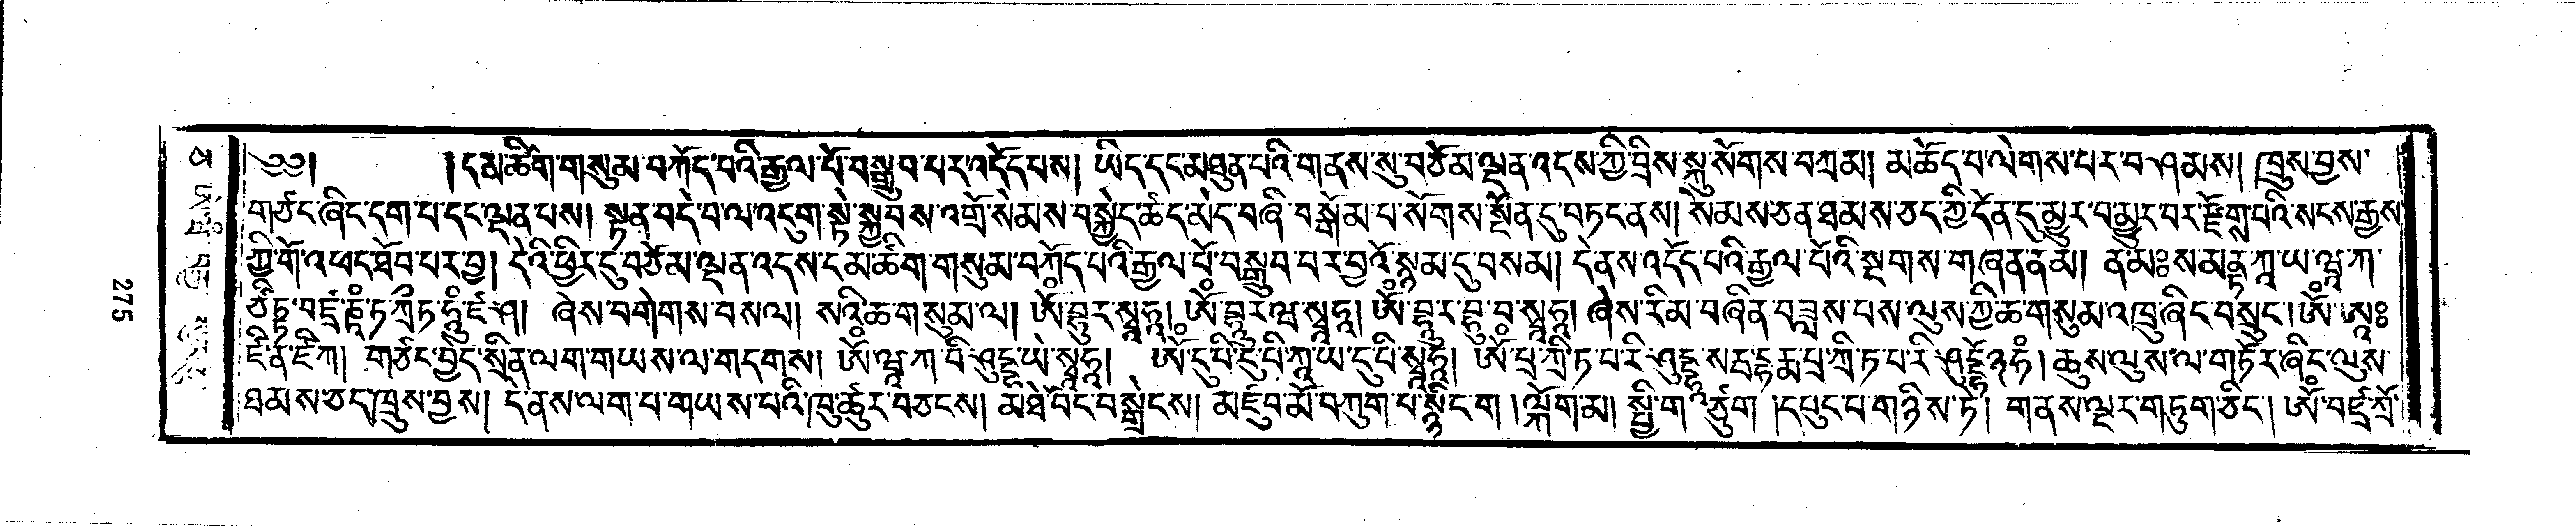༄༅། །དམ་ཚིག་གསུམ་བཀོད་པའི་རྒྱལ་པོ་བསྒྲུབ་པར་འདོད་པས། ཡིད་དང་མཐུན་པའི་གནས་སུ་བཅོམ་ལྡན་འདས་ཀྱི་བྲིས་སྐུ་སོགས་བཀྲམ། མཆོད་པ་ལེགས་པར་བཤམས། ཁྲུས་བྱས་
གཙང་ཞིང་དག་པ་དང་ལྡན་པས། སྟན་བདེ་བ་ལ་འདུག་སྟེ་སྐྱབས་འགྲོ་སེམས་བསྐྱེད་ཚད་མེད་བཞི་བསྒོམ་པ་སོགས་སྔོན་དུ་བཏང་ནས། སེམས་ཅན་ཐམས་ཅད་ཀྱི་དོན་དུ་མྱུར་བ་མྱུར་བར་རྫོགས་པའི་སངས་རྒྱས་
ཀྱི་གོ་འཕང་ཐོབ་པར་བྱ། དེའི་ཕྱིར་དུ་བཅོམ་ལྡན་འདས་དམ་ཚིག་གསུམ་བཀོད་པའི་རྒྱལ་པོ་བསྒྲུབ་པར་བྱའོ་སྙམ་དུ་བསམ། དེ་ནས་འདོད་པའི་རྒྱལ་པོའི་སྔགས་གཞན་ནམ། ན་མཿ ས་མནྟ་ཀཱ་ཡ་ཝཱ་ཀ་
ཙིཏྟ་བཛྲ་ཎཱཾ་ཏ་ཀྲྀཏ་ཧཱུཾ་ཛ་ཤ། ཞེས་བགེགས་བསལ། སའི་ཆ་གསུམ་ལ། ཨོཾ་བྷུ་ར་སྭཱཧཱ། ཨོཾ་བྷཱུ་ར་ཝ་སྭཱཧཱ། ཨོཾ་བྷཱུ་ར་བྷུ་བ་སྭཱཧཱ། ཞེས་རིམ་བཞིན་བཟླས་པས་ལུས་ཀྱི་ཆ་གསུམ་འཁྲུ་ཞིང་བསྲུང་། ཨོཾ་ཨཱཿ
ཛི་ན་ཛི་ཀ། གཙང་བྱེད་སྲིན་ལག་གཡས་ལ་གདགས། ཨོཾ་ཝཱ་ཀ་བི་ཤུདྡྷ་ཡེ་སྭཱཧཱ། ཨོཾ་དུ་པི་དུ་པི་ཀཱ་ཡ་དུ་པི་སྭཱཧཱ། ཨོཾ་པྲ་ཀྲི་ཏ་པ་རི་ཤུདྡྷ་སརྦ་དྷྲམ་པྲ་ཀྲི་ཏ་པ་རི་ཤུདྡྷོཉཧཾ། ཆུས་ལུས་ལ་གཏོར་ཞིང་ལུས་
ཐམས་ཅད་ཁྲུས་བྱས། དེ་ནས་ལག་པ་གཡས་པའི་ཁུ་ཚུར་བཅངས། མཐེ་བོང་བསྒྲེངས། མཛུབ་མོ་བཀུག་པ་སྙིང་ག །ལྐོག་མ། སྤྱི་གཙུག །དཔུང་པ་གཉིས་ཏེ། གནས་ལྔར་གཏུག་ཅིང་། ཨོཾ་བཛྲ་ཀྲོ་